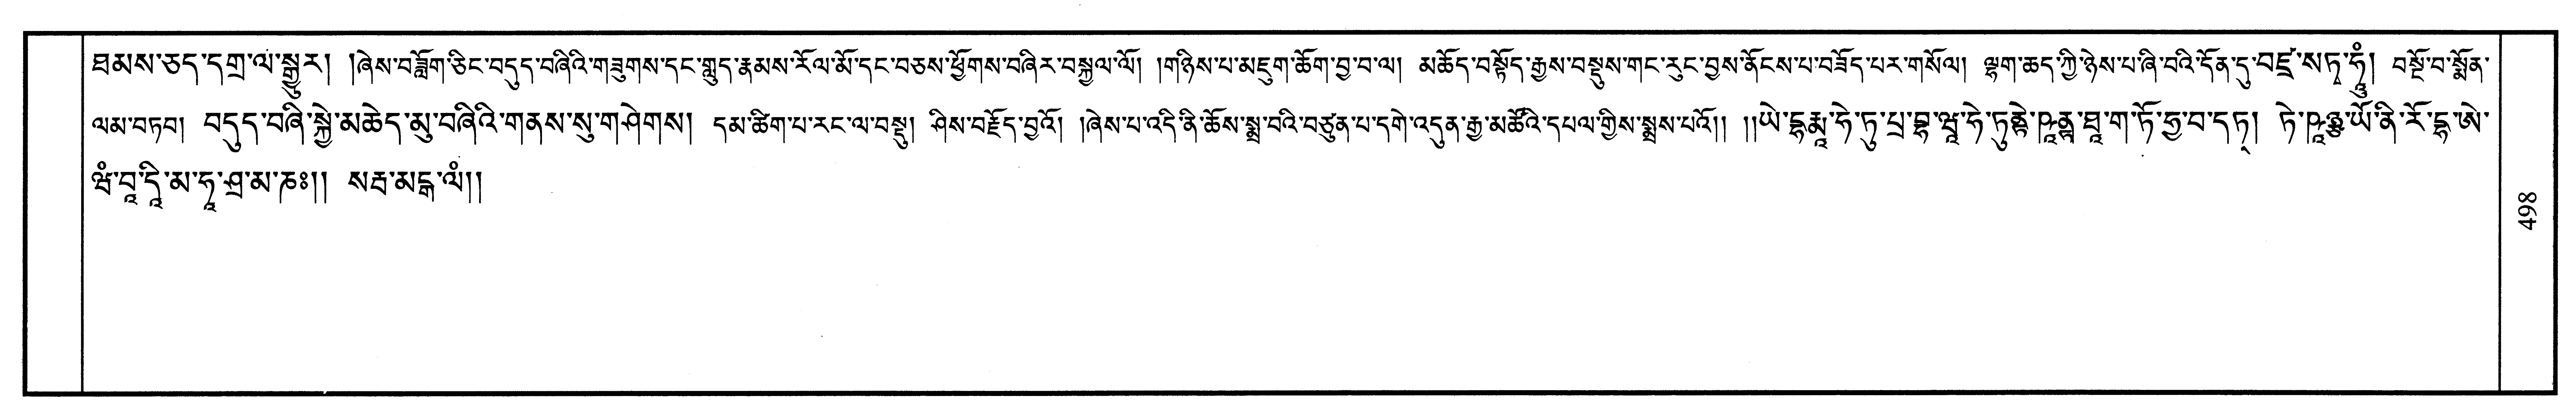ཐམས་ཅད་དགྲ་ལ་སྒྱུར། །ཞེས་བཟློག་ཅིང་བདུད་བཞིའི་གཟུགས་དང་གླུད་རྣམས་རོལ་མོ་དང་བཅས་ཕྱོགས་བཞིར་བསྐྱལ་ལོ། །གཉིས་པ་མཇུག་ཆོག་བྱ་བ་ལ། མཆོད་བསྟོད་རྒྱས་བསྡུས་གང་རུང་བྱས་ནོངས་པ་བཟོད་པར་གསོལ། ལྷག་ཆད་ཀྱི་ཉེས་པ་ཞི་བའི་དོན་དུ་བཛྲ་སཏྭ་ཧཱུཾ། བསྔོ་བ་སྨོན་
ལམ་བཏབ། བདུད་བཞི་སྐྱེ་མཆེད་མུ་བཞིའི་གནས་སུ་གཤེགས། དམ་ཚིག་པ་རང་ལ་བསྡུ། ཤིས་བརྗོད་བྱའོ། །ཞེས་པ་འདི་ནི་ཆོས་སྨྲ་བའི་བཙུན་པ་དགེ་འདུན་རྒྱ་མཚོའི་དཔལ་གྱིས་སྨྲས་པའོ།། །།ཡེ་དྷརྨཱ་ཧེ་ཏུ་པྲ་བྷ་ཝཱ་ཧེ་ཏུནྟེ་ཥཱནྟ་ཐཱ་ག་ཏོ་ཧྱ་བ་དཏཱ། ཏེ་ཥཱཉྩ་ཡོ་ནི་རོ་དྷ་ཨེ་
ཝཾ་བཱ་དཱི་མ་ཧཱ་ཤྲ་མ་ཎཿ།། སརྦ་མངྒ་ལཾ།། །།